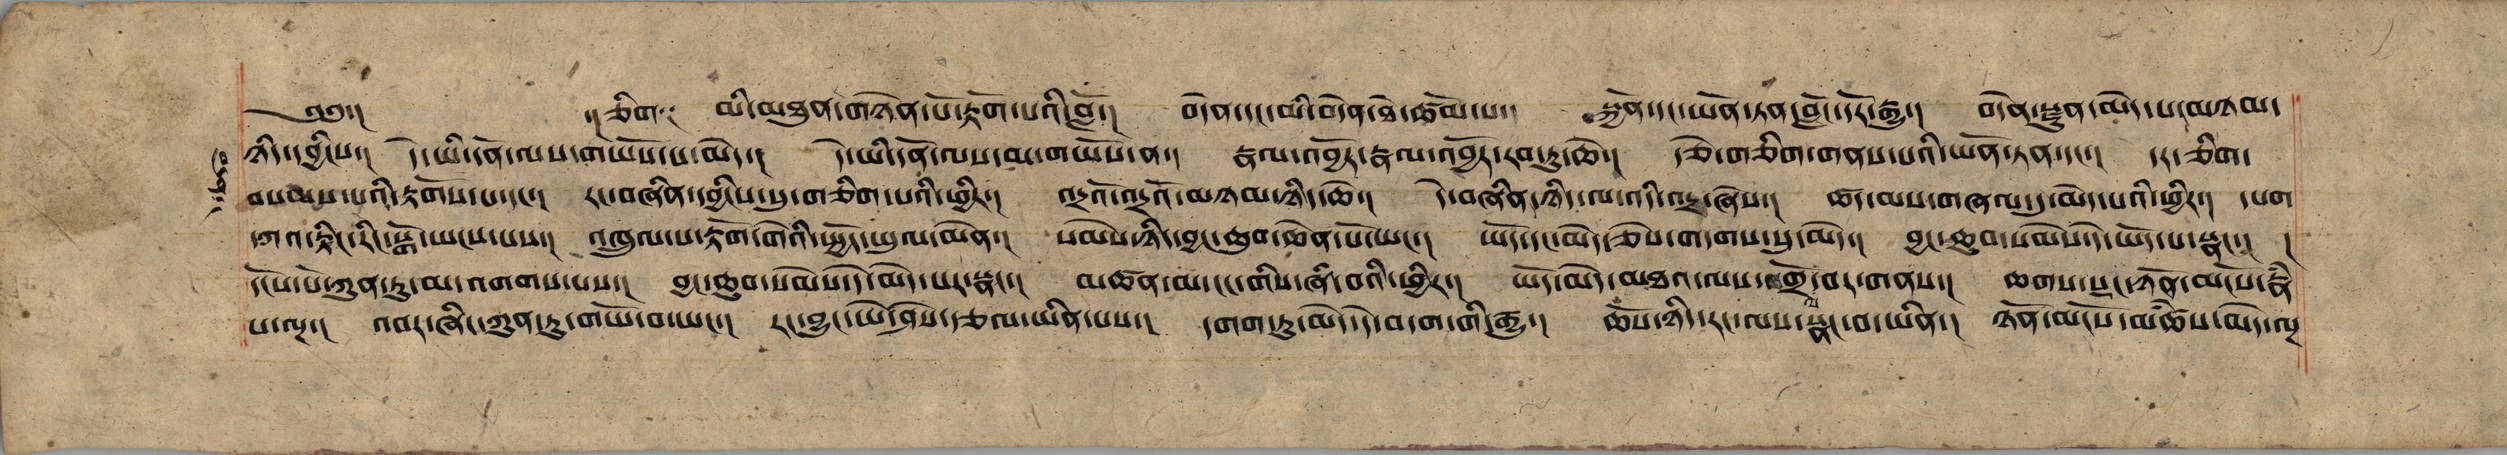༄༅་། ་།ཅིག༑ མི་མཐུན་གཉེན་པོ་རྟོག་པའི་བློ་། བདེན་དང་མི་བདེན་ཐེ་ཚོམ་པ་། སྐྱོན་དང་ཡོན་ཏན་བླངོ་དོར་རྒྱུ་། བདེན་སྫུན་མེད་པ་མཉམ་
ཉིད་དབྱིངས་། དེ་ཡི་དོན་ལས་གཡོས་པ་མེད་། དེ་ཡི་དོན་ལས་མ་གཡོས་ན་། རྣལ་འབྱོར་རྣལ་འབྱོར་རབ་ཏུ་ཆེ་། རྩེ་གཅིག་གནས་པའི་ཏོན་ཏན་དང་། དར་ཅིག་
བསམས་པའི་རྟོགས་པ་དང་། རང་བཞིན་དབྱིངས་སུ་གཅིག་པའི་ཕྱིར་། འདྲའོ་འདྲའོ་མཉམ་ཉིད་ཆེ་། དེ་བཞིན་ཉིད་ལ་འདི་འདྲ་ཞེས་། ཚད་མས་གཞལ་དུ་མེད་པའི་ཕྱིར་། དཔག
དཀའ་རྟིང་རིང་སྒོ་ཡངས་པས་། འཁྲུལ་པ་རྟོག་གེའི་སྤྱོད་ཡུལ་མེན་། སེམས་ཉིད་བྱང་ཆུབ་ཆེན་པོ་ཡང་། ཡོད་དང་མེད་ཅེས་གདགས་སུ་མེད་། བྱང་ཆུབ་སེམས་དེ་ཡོད་པ་སྣང་།
དངོས་པོ་ཀུན་ཏུ་མ་འགགས་པས་། བྱང་ཆུབ་སེམས་དེ་མེད་པར་སྣང་། མཚན་མ་ངང་གིས་ཞི་བའི་ཕྱིར་། ཡོད་མེད་མཐའ་ལས་འགྲོལ་བར་གནས་། ཆགས་སྡང་ཉོན་མོངས་རྣཾ
པ་ལྔ་། འབར་ཞིང་ཀུན་ཏུ་གཡོ་བ་ཡང་། རང་བྱུང་ཡེ་ཤེས་རྩལ་ཡིན་པས་། དགག་ཏུ་མེད་དེ་བདག་གི་རྒྱུ་། ཆོས་ཉིད་རང་ལས་སྣང་བ་ཡིན་། ཉོན་མོངས་མཚཾས་མེད་ལྔ